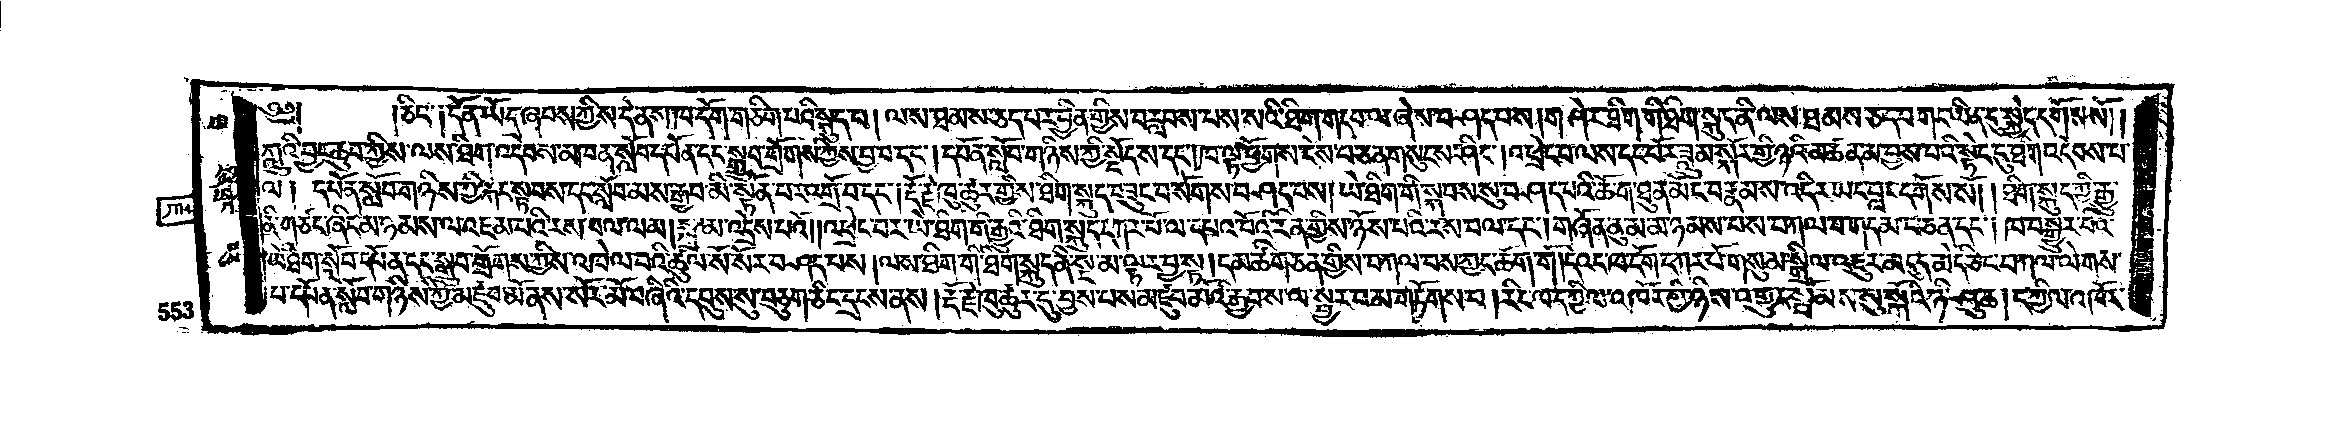༄༅། །ཅིང་དོན་ཡོད་ཞབས་ཀྱིས་དེ་ནས་ཁ་དོག་གཅིག་པའི་སྐུད་པ། ལས་ཐམས་ཅད་པར་བྱིན་གྱིས་བརླབས་པས་སའི་ཐིག་གདབ་ལ་ཞེས་བཤད་པས། གཤེར་ཐིག་གི་ཐིག་སྐུད་ནི་ལས་ཐམས་ཅད་པ་གང་ཡིན་དུ་སྐྱེད་དགོས་སོ། །
ཀླུའི་བྱང་ཆུབ་ཀྱིས་ལས་ཐིག་འདེབས་མཁན་སློབ་དཔོན་དང་སྒྲུབ་གྲོགས་ཀྱིས་བྱ་བ་དང་། དཔོན་སློབ་གཉིས་ཀྱི་སྡོད་ས་དང་། ཁ་ལྟ་ཕྱོགས་ངེས་པ་ཅན་གསུངས་ཤིང་། འཕྲེང་བ་ལས་དང་པོར་ཟླུམ་སྐོར་གྱི་ཉའི་མཚན་མ་བྱས་པའི་སྟེང་དུ་ཐིག་འདེབས་པ་
ལ། དཔོན་སློབ་གཉིས་ཀྱི་རྐང་སྟབས་དང་སློབ་མས་རྒྱབ་མི་སྟོན་པར་འགྲོ་བ་དང་། རྡོ་རྗེ་ཁུ་ཚུར་གྱིས་ཐིག་སྐུད་བཟུང་བ་སོགས་བཤད་པས། ཡེ་ཐིག་གི་སྐབས་སུ་བཤད་པའི་ཆོ་ག་ཐུན་མོང་བ་རྣམས་འདིར་ཡང་བླང་དགོས་སོ། །ཐིག་སྐུད་ཀྱི་རྒྱུ་
ནི་གཙང་ཞིང་མ་ཉམས་ལ་འཇམ་པའི་རས་བལ་ལམ། སྐྲ་མ་འདྲེས་པའོ། །འཕྲེང་བར་ཡེ་ཐིག་གི་རྒྱུའི་ཐིག་སྐུད་དཀར་པོ་ལ་དཔའ་བོའི་རིན་གྱིས་ཉོས་པའི་རས་བལ་དང་། གཞོན་ནུ་མ་མ་ཉམས་པས་བཀལ་བ་གདམ་པ་ཅན་དང་། ཁ་བསྒྱུར་བའི་
ཡེ་ཐིག་སློབ་དཔོན་དང་སྒྲུབ་གྲོགས་ཀྱིས་འཁེལ་བའི་ཚུལ་སོ་སོར་བཤད་པས། ལས་ཐིག་གི་ཐིག་སྐུད་ནི་སྔ་མ་ལྟར་བྱ་སྟེ། དམ་ཚིག་ཅན་གྱིས་བཀལ་བས་ཀྱང་ཆོག་གོ །དེའང་ཁ་དོག་དཀར་པོ་གསུམ་སྒྲིལ་འཇུར་མདུད་མེད་ཅིང་བཀལ་ལེགས་
པ་དཔོན་སློབ་གཉིས་ཀྱི་མཛུབ་མོ་ནས་སོར་མོ་བཞིའི་དབུས་སུ་བཅུག་ཅིང་དྲངས་ནས། རྡོ་རྗེ་ཁུ་ཚུར་དུ་བྱས་པས་མཛུབ་མོའི་རྒྱབ་ས་ལ་སྦྱར་བ་མ་གཏོགས་པ། རིང་བ་དཀྱིལ་འཁོར་གྱི་ཉིས་འགྱུར་སྦོམས་སུ་སྒོའི་ཉི་ཤུ་ཆ། དཀྱིལ་འཁོར་